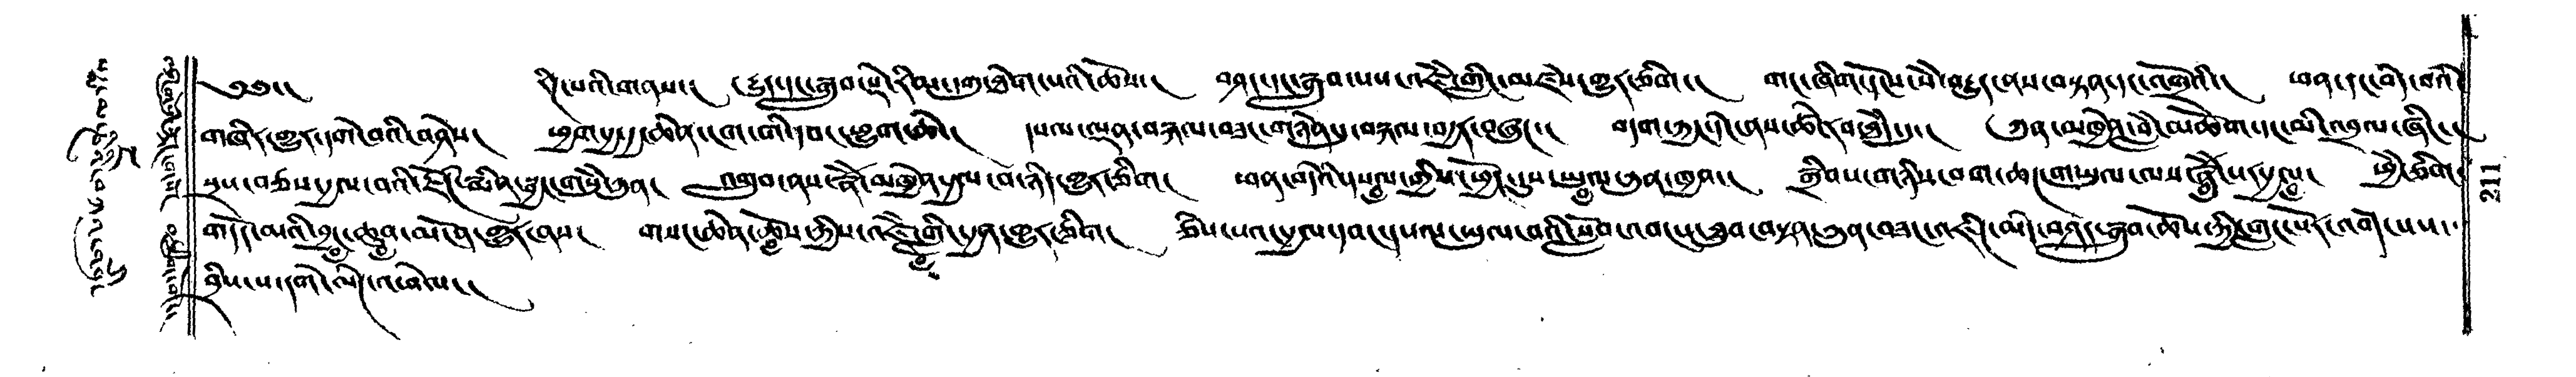རིག་པའི་གནས། །རྒྱུད་དང་སྒྲུབ་སྡེ་རིམ་དགུ་ཐེག་པའི་ཆོས། །བཤད་དང་སྒྲུབ་པས་འཛམ་གླིང་མཛེས་གྱུར་ཅིག །གང་ཞིག་དངོས་སམ་བརྒྱུད་ནས་བསྟན་དང་འགྲོའི། །ཕན་དང་བདེ་བའི་
གཞིར་གྱུར་དགེ་བའི་བཤེས། །ཕྱག་རྒྱ་རྒྱ་ཆེན་ངག་གི་དབང་ཕྱུག་ཆེ། །དཔལ་ལྡན་སྐལ་བཟང་གཉེན་དུ་བསྐལ་བརྒྱར་བཞུགས། །བདག་ཀྱང་དེང་ནས་ཚཻ་རབས་ཐམས་ཅད་དུ། །ཀུན་མཁྱེན་བླ་མ་མཆོག་དང་མི་འབྲལ་ཞིང་། །
སྲས་བཅས་རྒྱལ་བའི་རྫོགས་སྨིན་སྦྱང་གསུམ་ཀུན། །འགྲུབ་ནས་རྣམ་མཁྱེན་རྒྱལ་བ་ཉིད་གྱུར་ཅིག །ཕན་བདེའི་དཔལ་གྱིས་ཕྱོགས་དུས་ཡུལ་ཀུན་ཁྱབ། སྒྲིབ་གཉིས་བག་ཆགས་གཡུལ་ལས་རྣམ་པར་རྒྱལ། །ཕྱམ་ཅིག་
གདོད་མའི་བྱང་ཆུབ་མངོན་གྱུར་ནས། །གསང་ཆེན་ཆོས་ཀྱིས་འཛམ་གླིང་རྒྱན་གྱུར་ཅིག ཅེས་པའང་རྒྱལ་དབང་དཔལ་ཡུལ་བའི་སློབ་འབངས་ཐུབ་བསྟན་ཀུན་བཟང་འཇིགས་མེད་བཤད་སྒྲུབ་ཆོས་ཀྱི་གླང་པོར་འབོད་པས་
བྲིས་པ་དགེ་ལེགས་འཕེལ།། བཀྲ་ཤིས།།